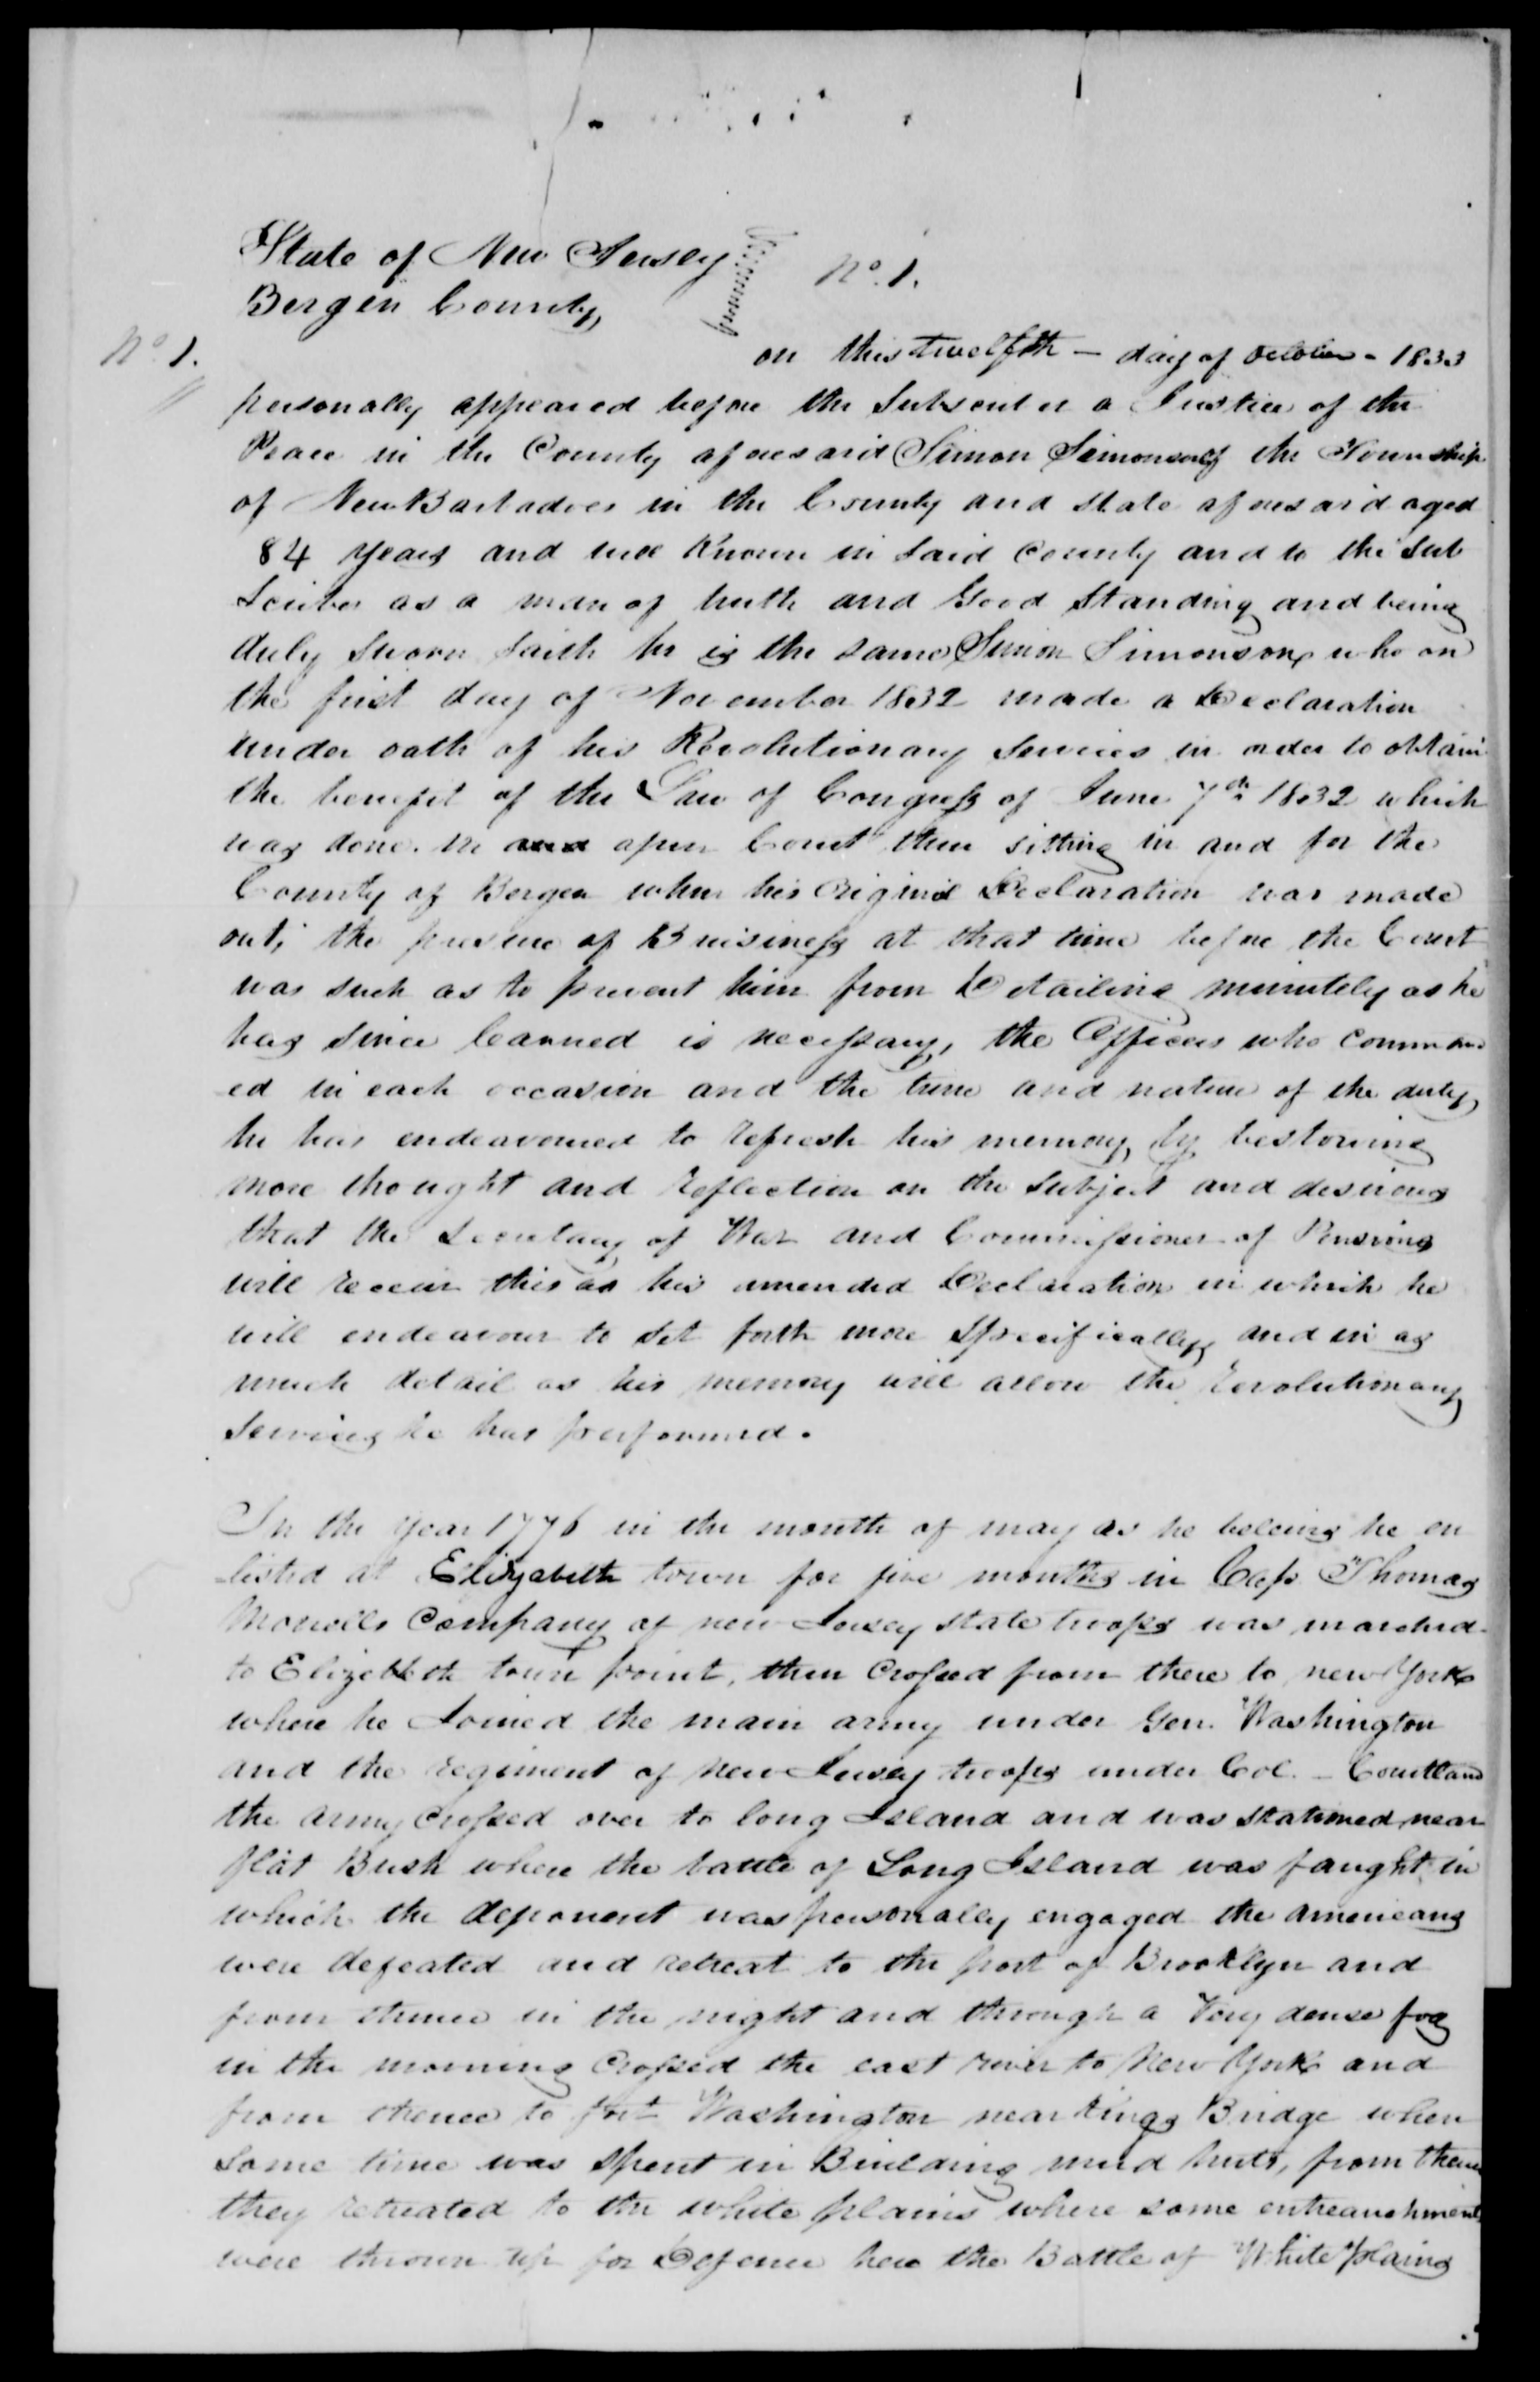No. 1
State of New Jersey
Bergen County  }  No. 1

On this twelfth- day of October- 1833 personally appeared before the Subscribed a Justice of the Peace in the County aforesaid Simon Simonson of the Township of New Barbadoes in the County and State aforesaid aged 84 years and well known in said County and to the subscriber as a man of truth and good standing and being duly sworn saith he is the same Simon Simpson who on the first day of November 1832 made a declaration under oath of his Revolutionary services in order to obtain the benefit of the Law of Congress of June 7th 1832 which was done in open Court then sitting in and for the County of Bergen where his original declaration was made out, the presence of Business at that time before the Court was such as to prevent him from detailing minutely as he has since learned is necessary, the Officers who commanded in each occasion and the time and nature of the duty he has endeavoured to refresh his memory, by bestowing more thought and reflection on the subject and desirous that the Secretary of War and Commissioner of Pensions will receive this as his amended Declaration in which he will endeavour to set forth more specifically and in as much detail as his memory will allow the Revolutionary services he has performed.

In the year 1776 in the month of may as he believes he enlisted at Elizabeth town for five months in Cap Thomas Morrells company of New Jersey State troops was marched to Elizabeth town point, then crossed from there to New York where he joined the main army under Gen. Washington and the regiment of New Jersey troops under Col Courtland the army crossed over to long Island and was stationed near Flat Bush where the battle of Long Island was fought in which the deponent was personally engaged the Americans were defeated and retreat to the port of Brooklyn and
from from thence to Fort Washington near Kings Bridge when some time was spent in building mud huts, from thence they retreated to the white plains where some entrenchment
were thrown up for Defence here the Battle of White Plains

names: Simon Simonson; [BLANK] Washington; Simon Simonson; [BLANK] Courtland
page: 21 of 30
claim: survivor's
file: S. 1104, for Simon Simonson, New Jersey